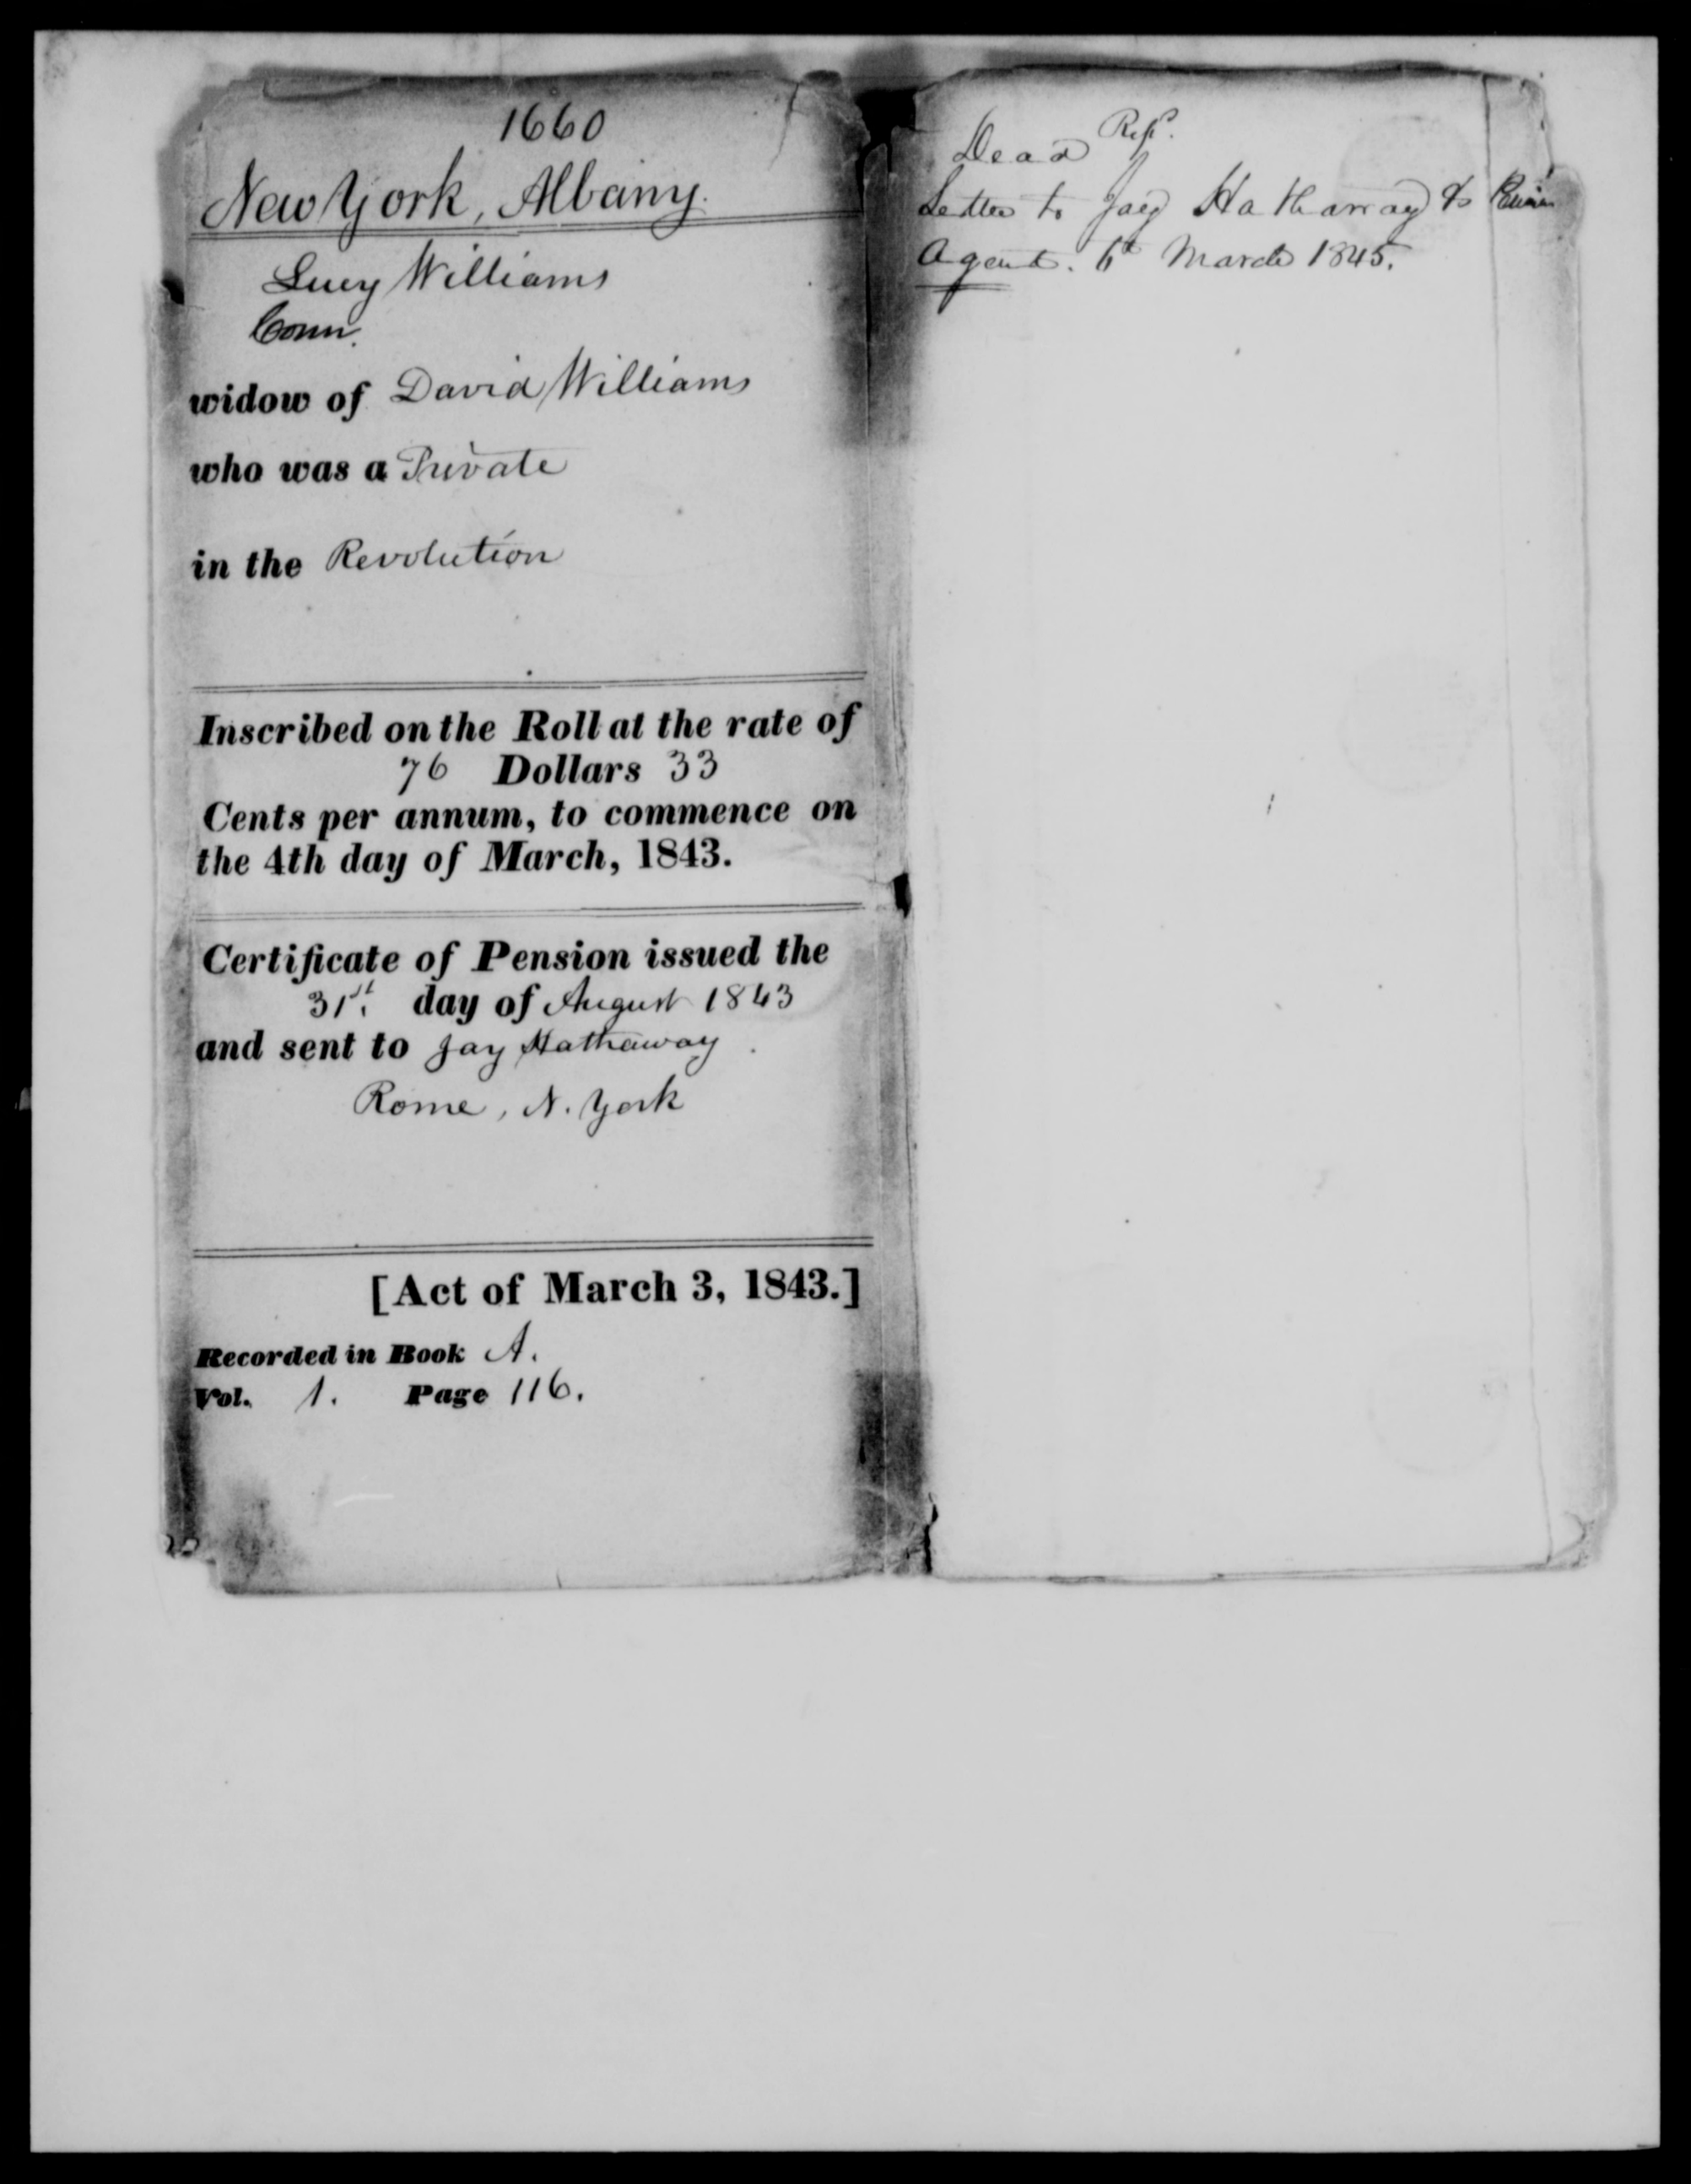(left side)
1660
New York, Albany
Lucy Williams Conn. widow of David Williams who was a Private in the Revolution
Inscribed on the Roll at the rate of 76 Dollars 33 Cents per annum, to commence on the 4th day of March, 1843.
Cdertificate of Pension issued the 31st day of August 1863 and sent to Jay Hathaway Rome, N. York
[Act of March 3, 1843]
Recorded in Book A Vol 1 Page 116

(right side)
Dead Reps
Letter to Jay Hathaway & (illegible) Agent 6th March 1845.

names: Jay Hathaway, David Williams, Lucy Williams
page: 3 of 63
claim: widow's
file: W. 22,632, David Williams, Conn. Continental Privateer